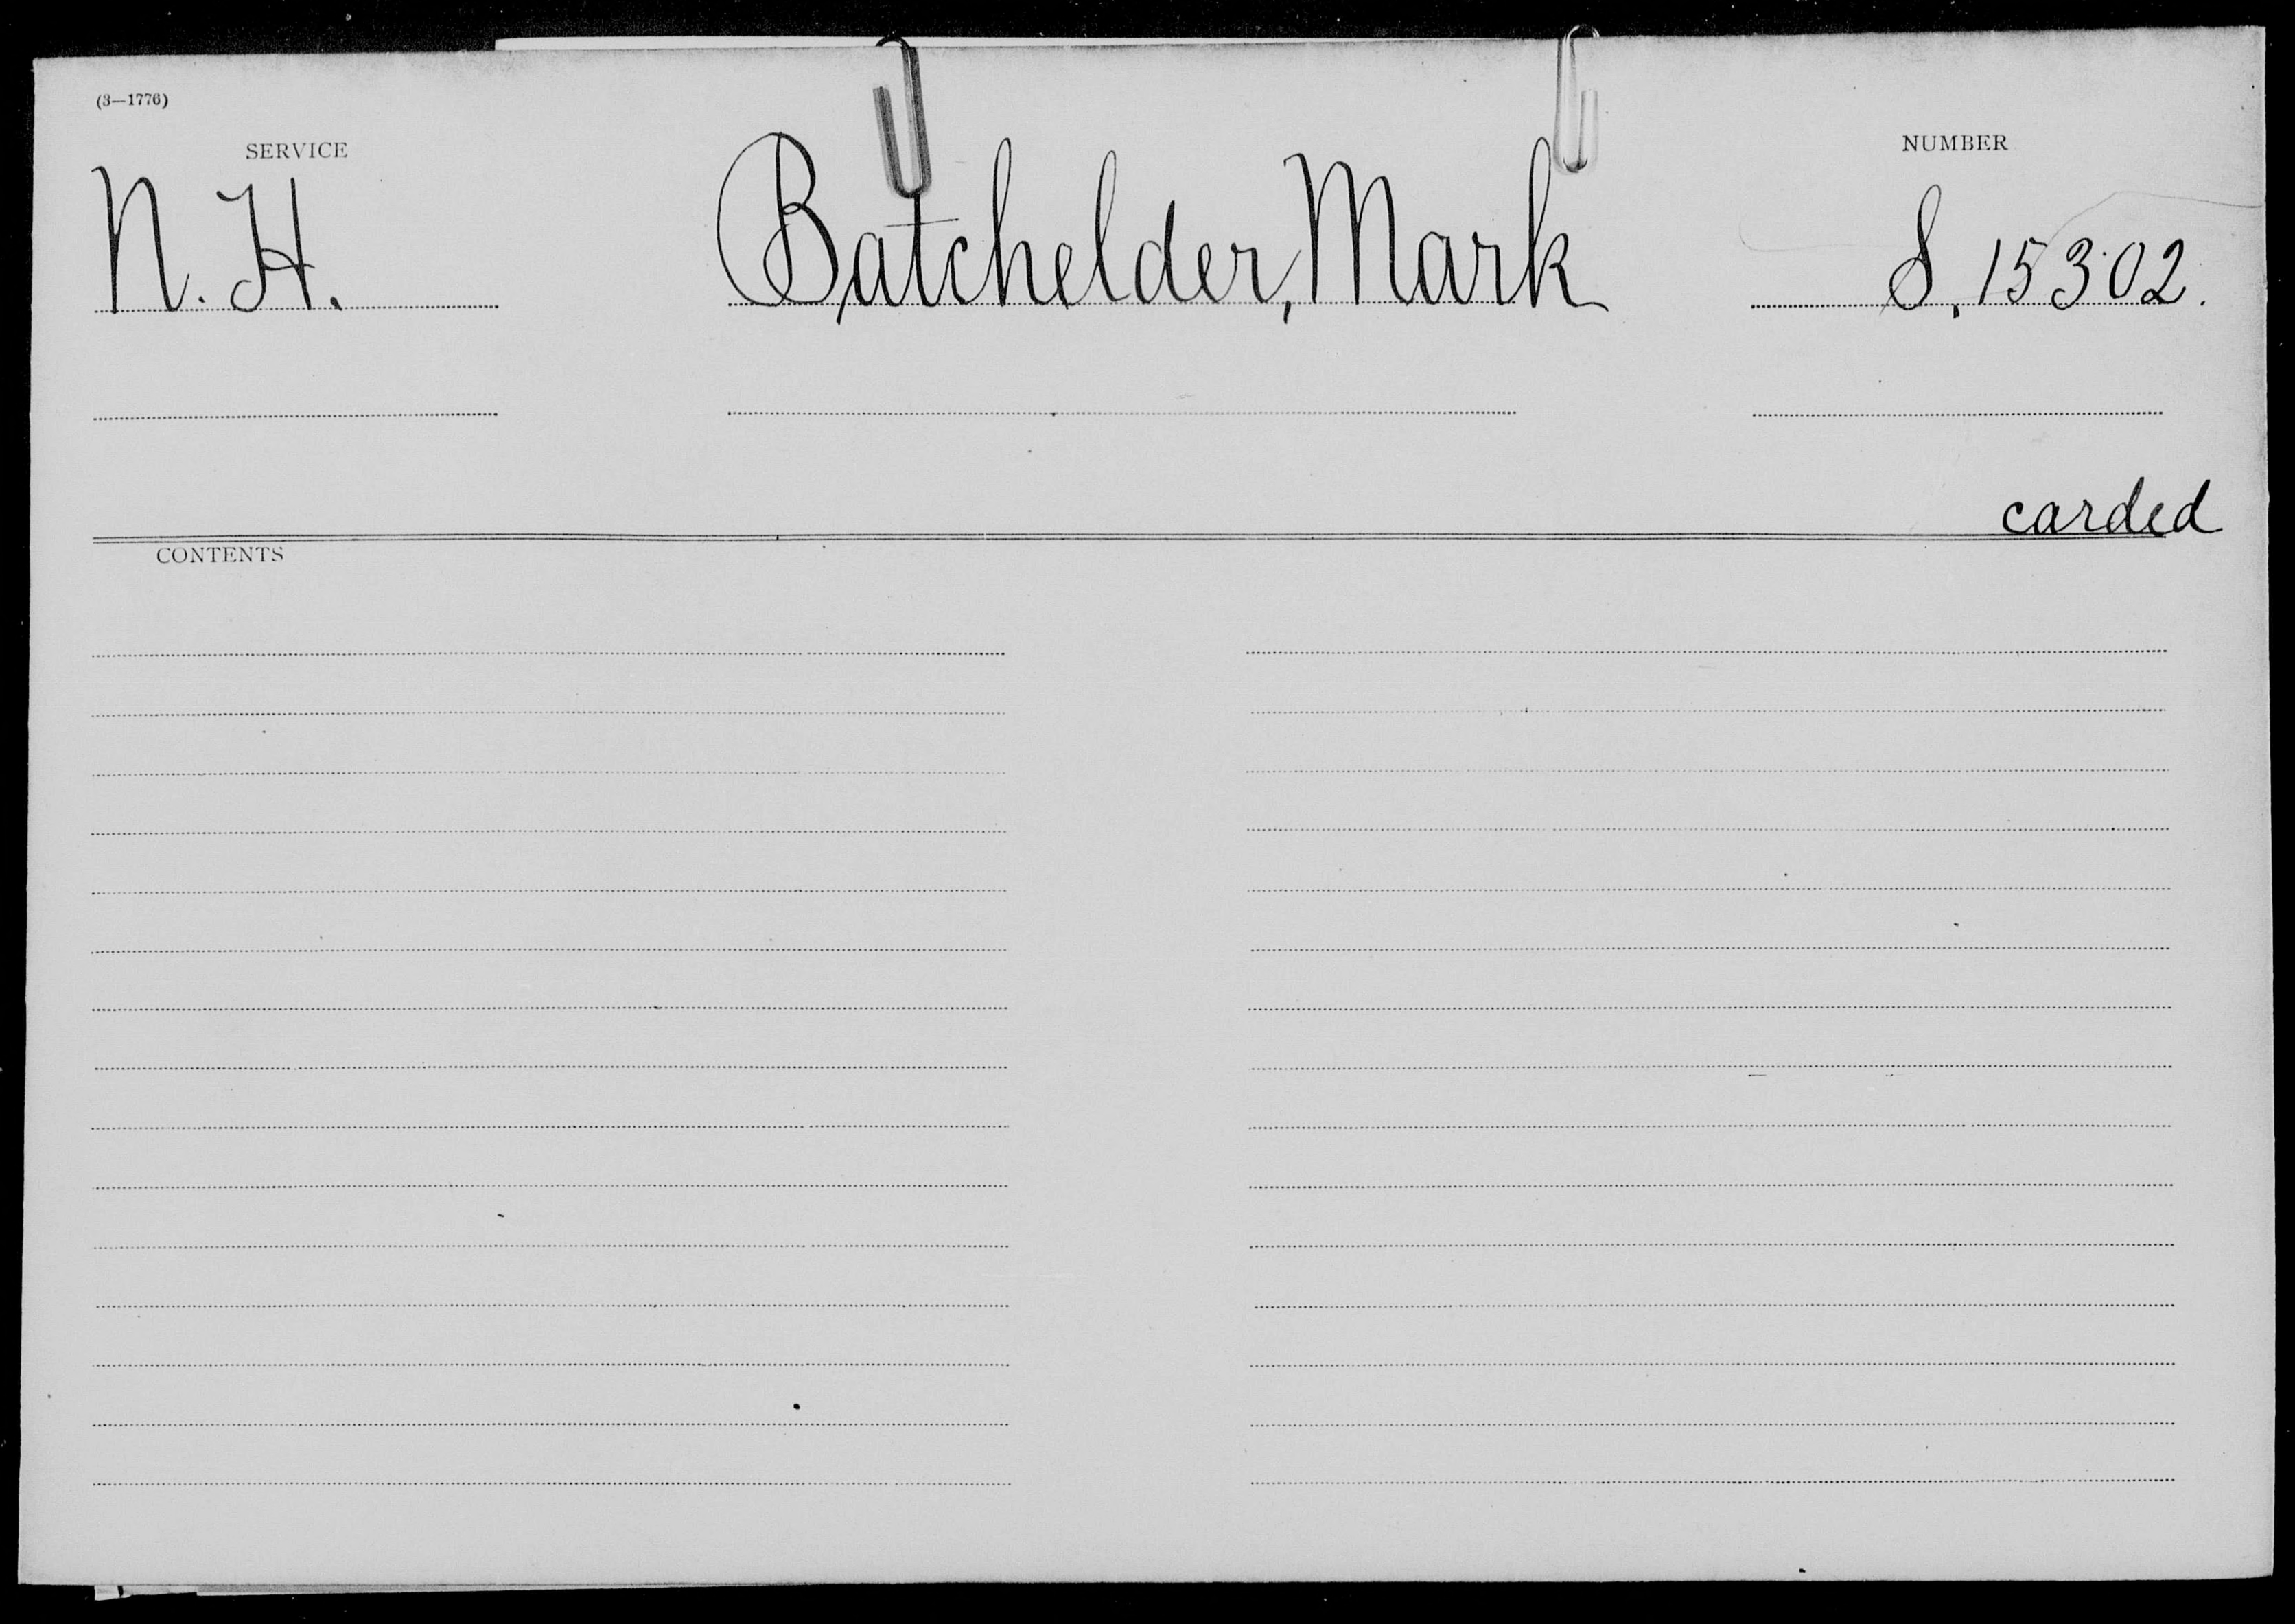(3 - 1776)

SERVICE
N. H.

Batchelder, Mark

NUMBER
S. 15302

CONTENTS

carded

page: 1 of 11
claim: survivor's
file: S. 15302, Mark Batchelder, N. H